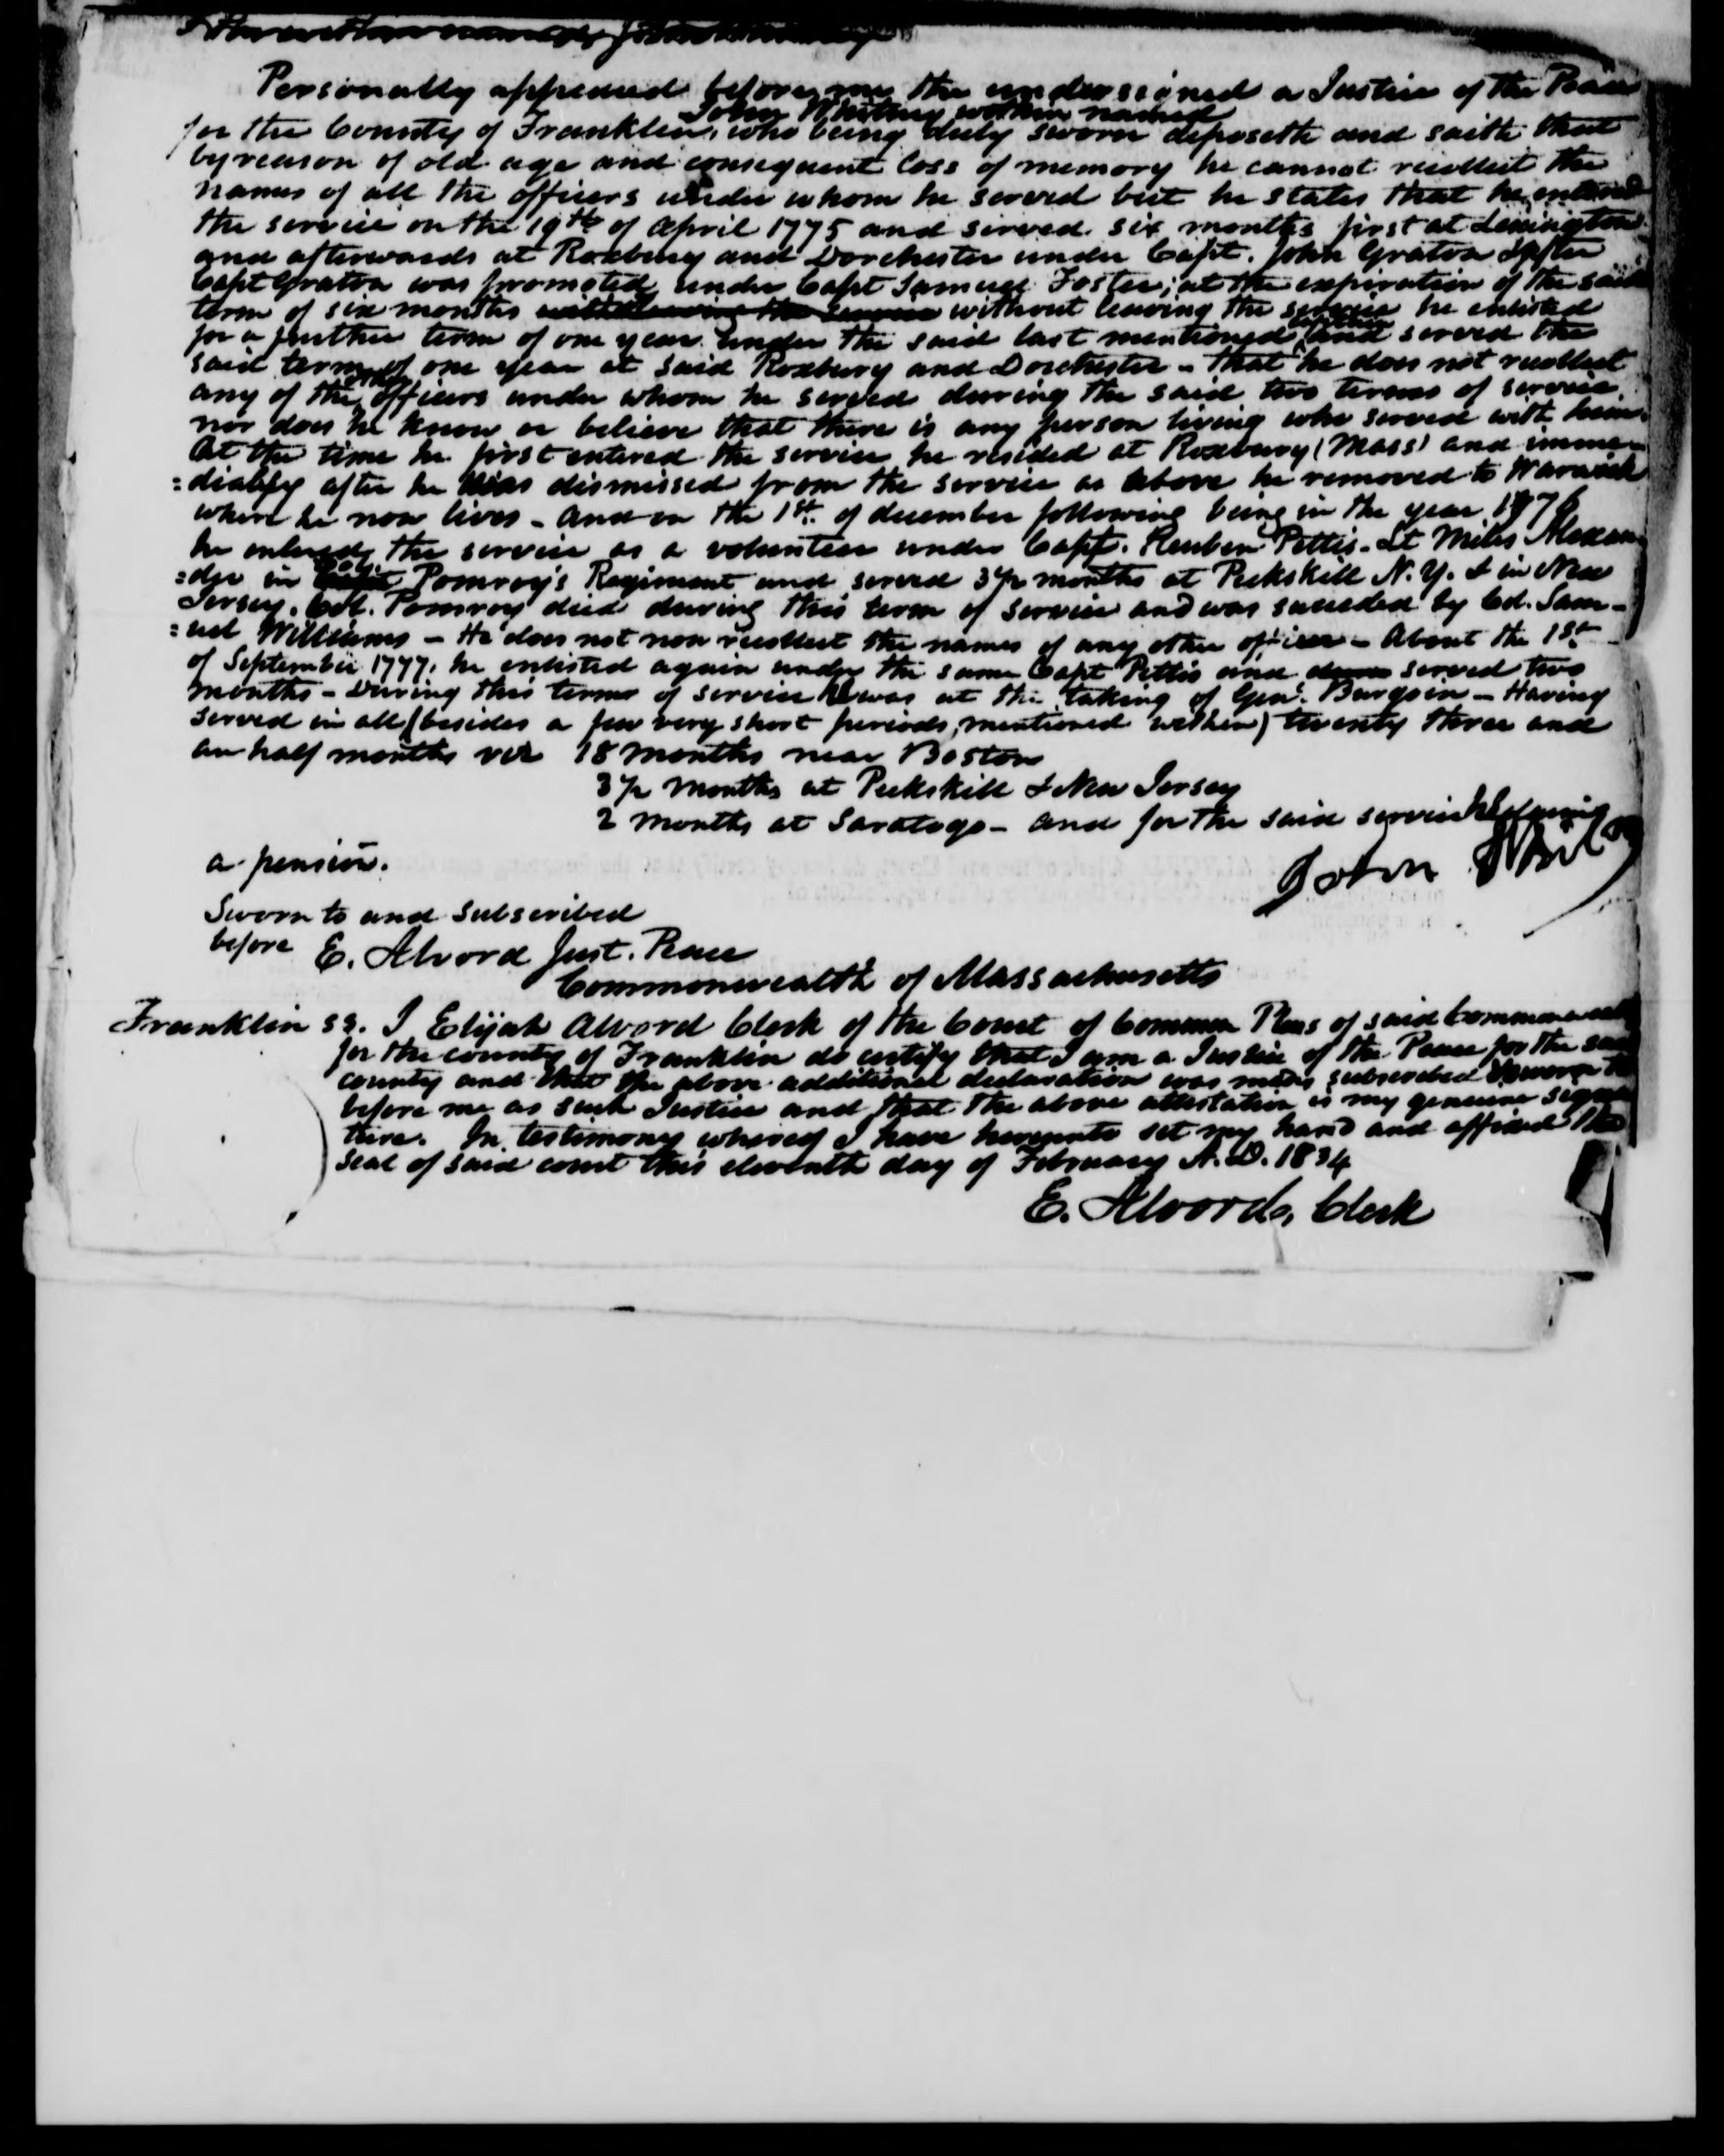Personally appeared before me the undersigned a Justice of the Peace for the County of Franklin, John Whitney within named, who being duly sworn deposeth and saith that by reason of old age and consequent loss of memory he cannot recollect the names of all the officers under who he served but he states that entered the service on the 19th of April 1775 and served six months, first at Lexington and afterwards at Roxbury and Dorchester under Capt. John Graton. After Capt. Graton was promoted under Capt. Samuel Foster. At the expiration of the term of six months without leaving the service he enlisted for a further term of one year under the said last mentioned Captain served that said term of one year at said Roxbury and Dorchester. The he does not reollect any of the officers under whom he served during the said two terms of service, nor does he know or believe that there is any person living who served with him. At the time he first entered the service he resided at Roxbury Mass. and immediately after he was dismissed from the service as above he removed to Warwick where he now lives-and on the 1st of December following being 1776 he enterd the service as a volunteer under Capt. Reuben Pettis,  Lt. Miles Alexander in Col.. Pomroy's Regiment and served 3 1/2 months at Peekskill N.Y. and in New Jersey. Col. Pomroy died during this term of service and was succeeded by Col. Samuel Williams. He does not now recollect the name of any other officers. About the 1st of September 1777 he enlisted again under the same Capt. Pettis and served two months. During this term of  service was at the taking of Gen. Burgoine. Having served in all (except a few very short periods, mentioned within) twenty three and one half months viz: 
18 months near Boston
3 1/2 months at Peekskill  & New jersey
2 months at Saratoga and for the said services he claims a pension.
John Whitney
Sworn to and subscribed before 
E. Alvord Just. Peace
Commonwealth of Massachusetts
Franklin SS
I Elijah Alvord Clerk of the Court of Common Pleas for the county of Franklin do certify that I am a Justice of the Peace for the said County and that the above additional declaration was made, subscribed and sworn to before me as such Justice and that the above attestation is my genuine signature. In testimony whereof I have hereunto set my hand and affixed the seal of said court this eleventh day of February A. D. 1834
E. Alvord, Clerk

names: John Whitney, John Graton, Elijah Alvord, Samuel Foster, Pomroy, Miles Alexander, Reuben Pettis, Samuel Williams, Burgoin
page: 6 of 10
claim: survivor's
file: S. 30,203, John Whitney, Mass.